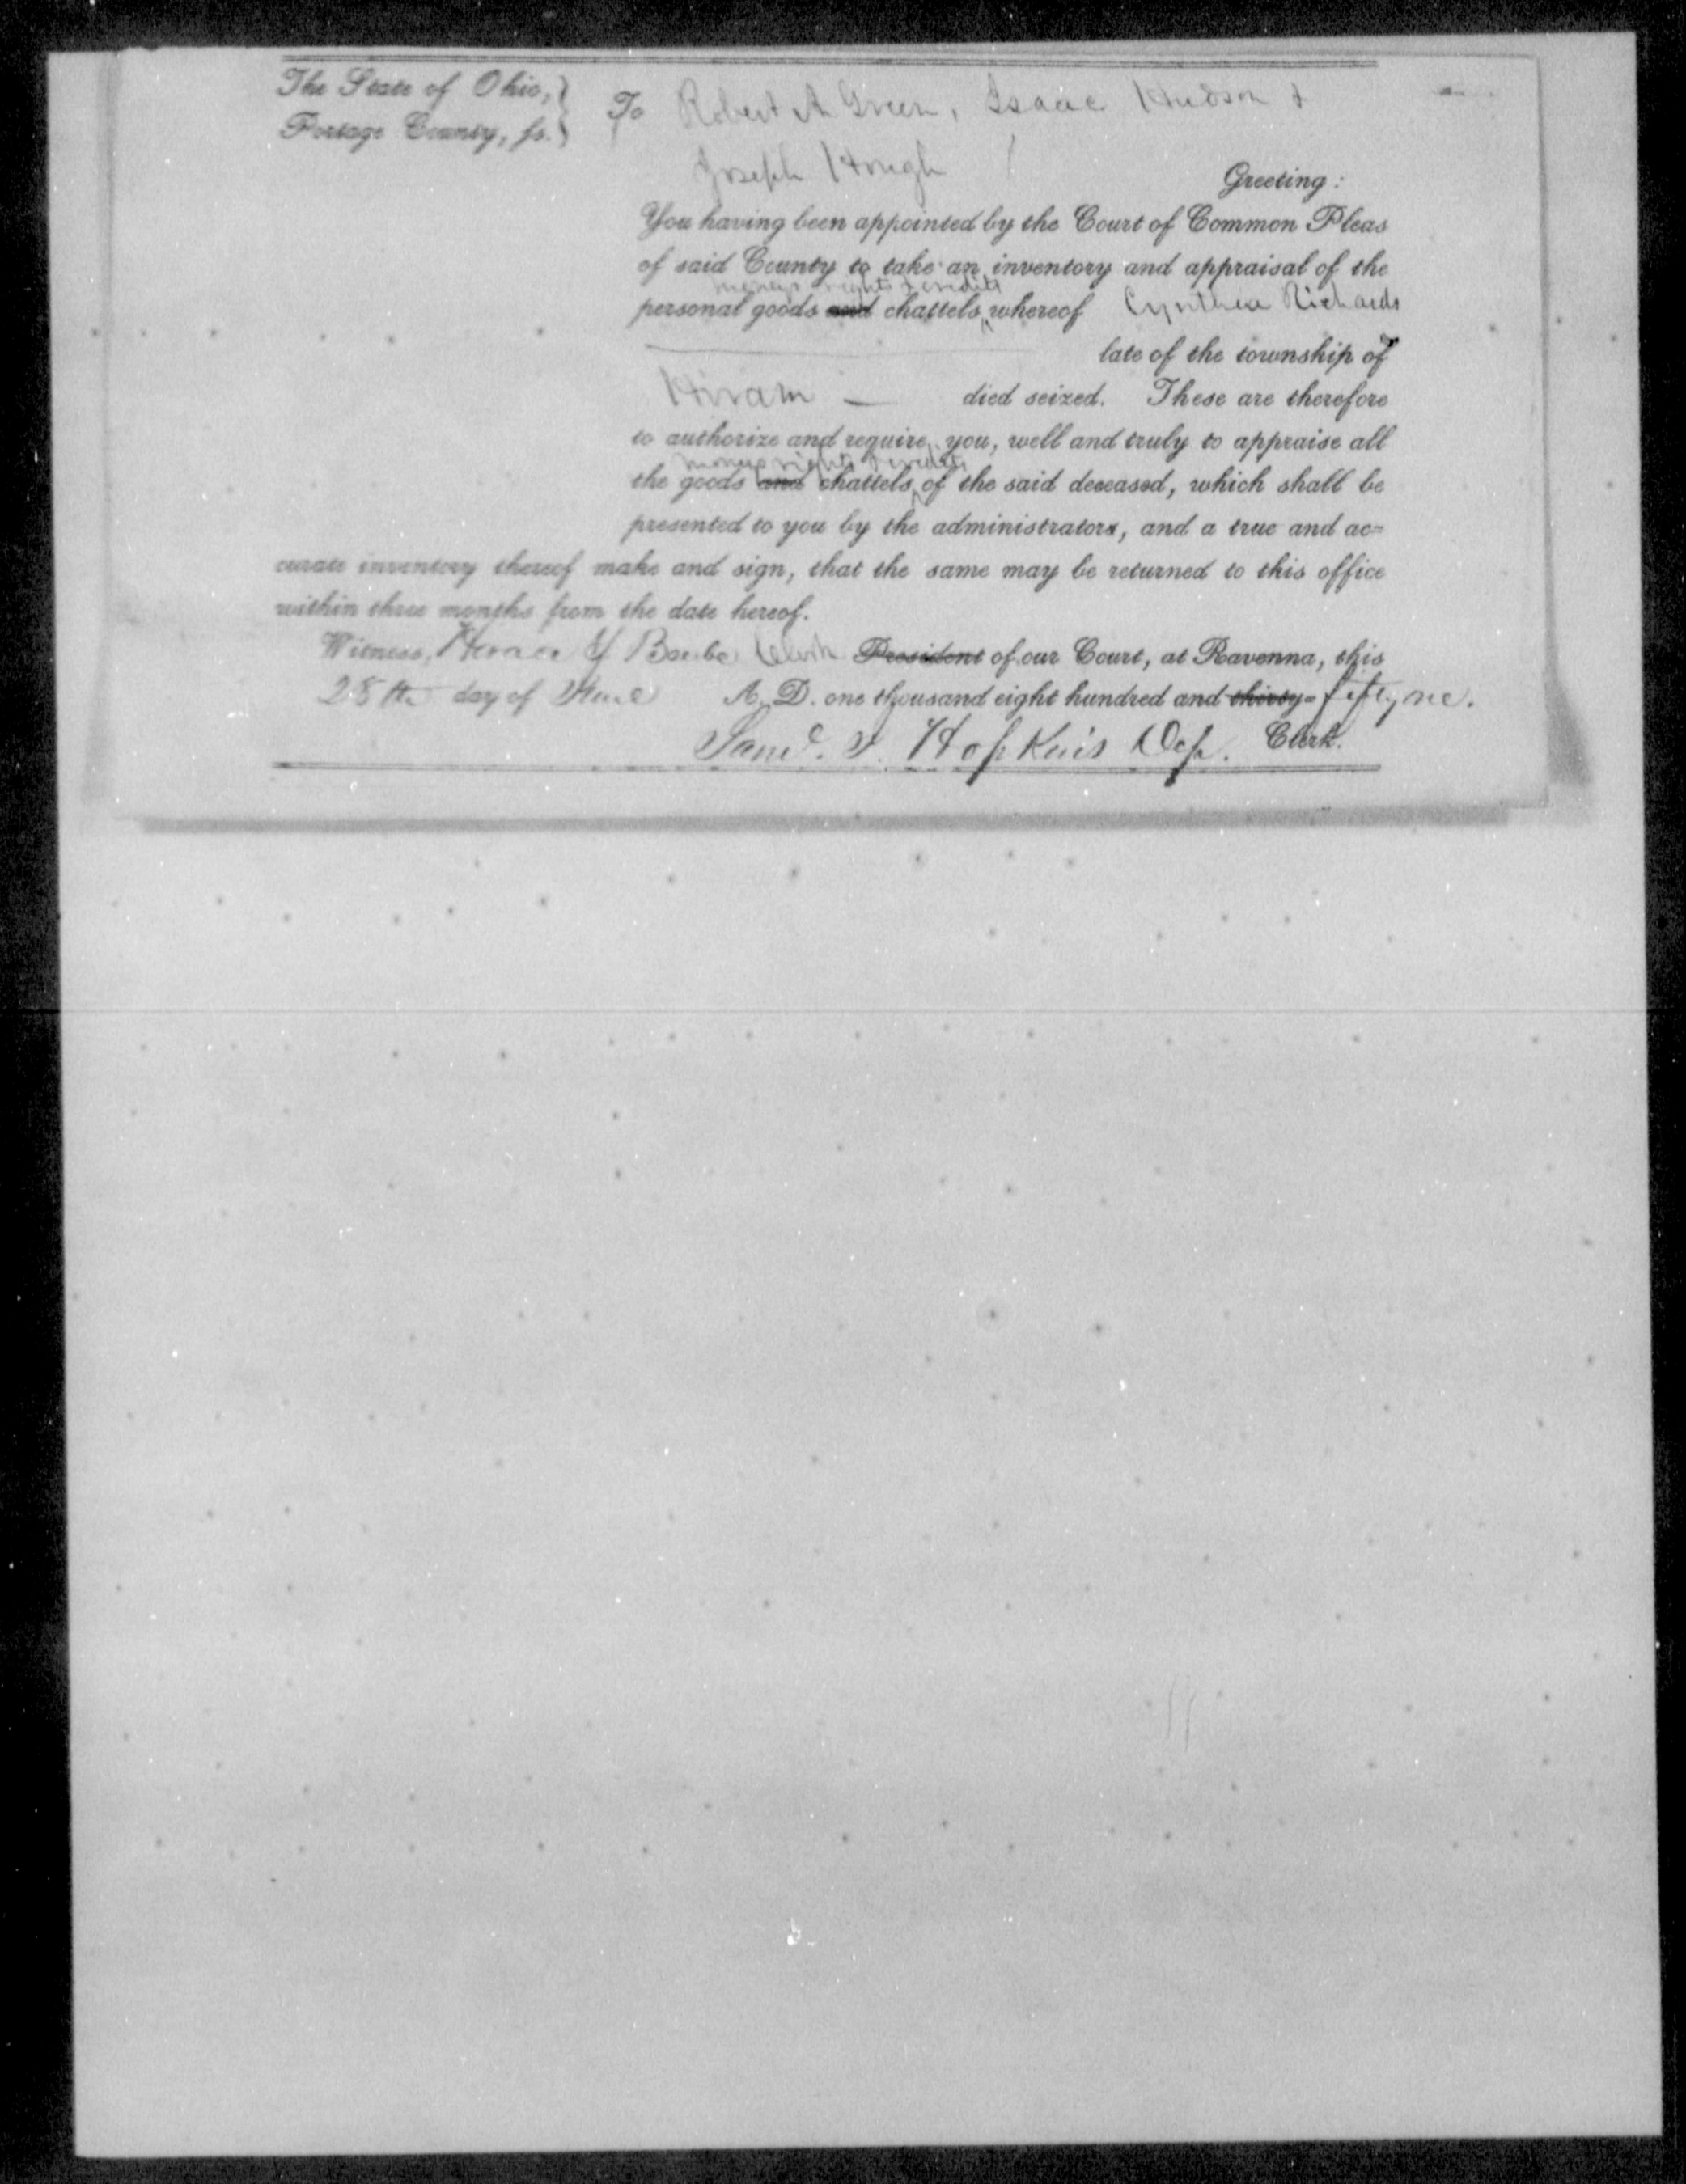The State of Ohio,
Portage County, Ss.} To Robert A Green, Isaac Hudson & Joseph Hough
Greeting:
You having been appointed by the Court of Common Pleas of said County to take an inventory and appraisal of the personal goods chattels Moneys rights & credits whereof Cynthia Richards late of the township of Hiram - died seized. These are therefore to authorize and require you, well and truly to appraise all the goods chattels Moneys rights & credits of the said deceased, which shall be presented to you by the administrators, and a true and accurate inventory thereof make and sign, that the same may be returned to this office within three months from the date hereof.
Witness, Horace T Beebe Clerk of our Court, at Ravenna, this 28th day of June A.D. one thousand eight hundred and fifty one.
Saml. [SAMUEL] J Hopkins Dep. [DEPUTY] Clerk.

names: Cynthia Richards; Robert A Green; Isaac Hudson; Saml J Hopkins; Joseph Hough; Horace T Beebe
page: 67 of 109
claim: widow's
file: W. 5709, for Thomas Richards, New Hampshire